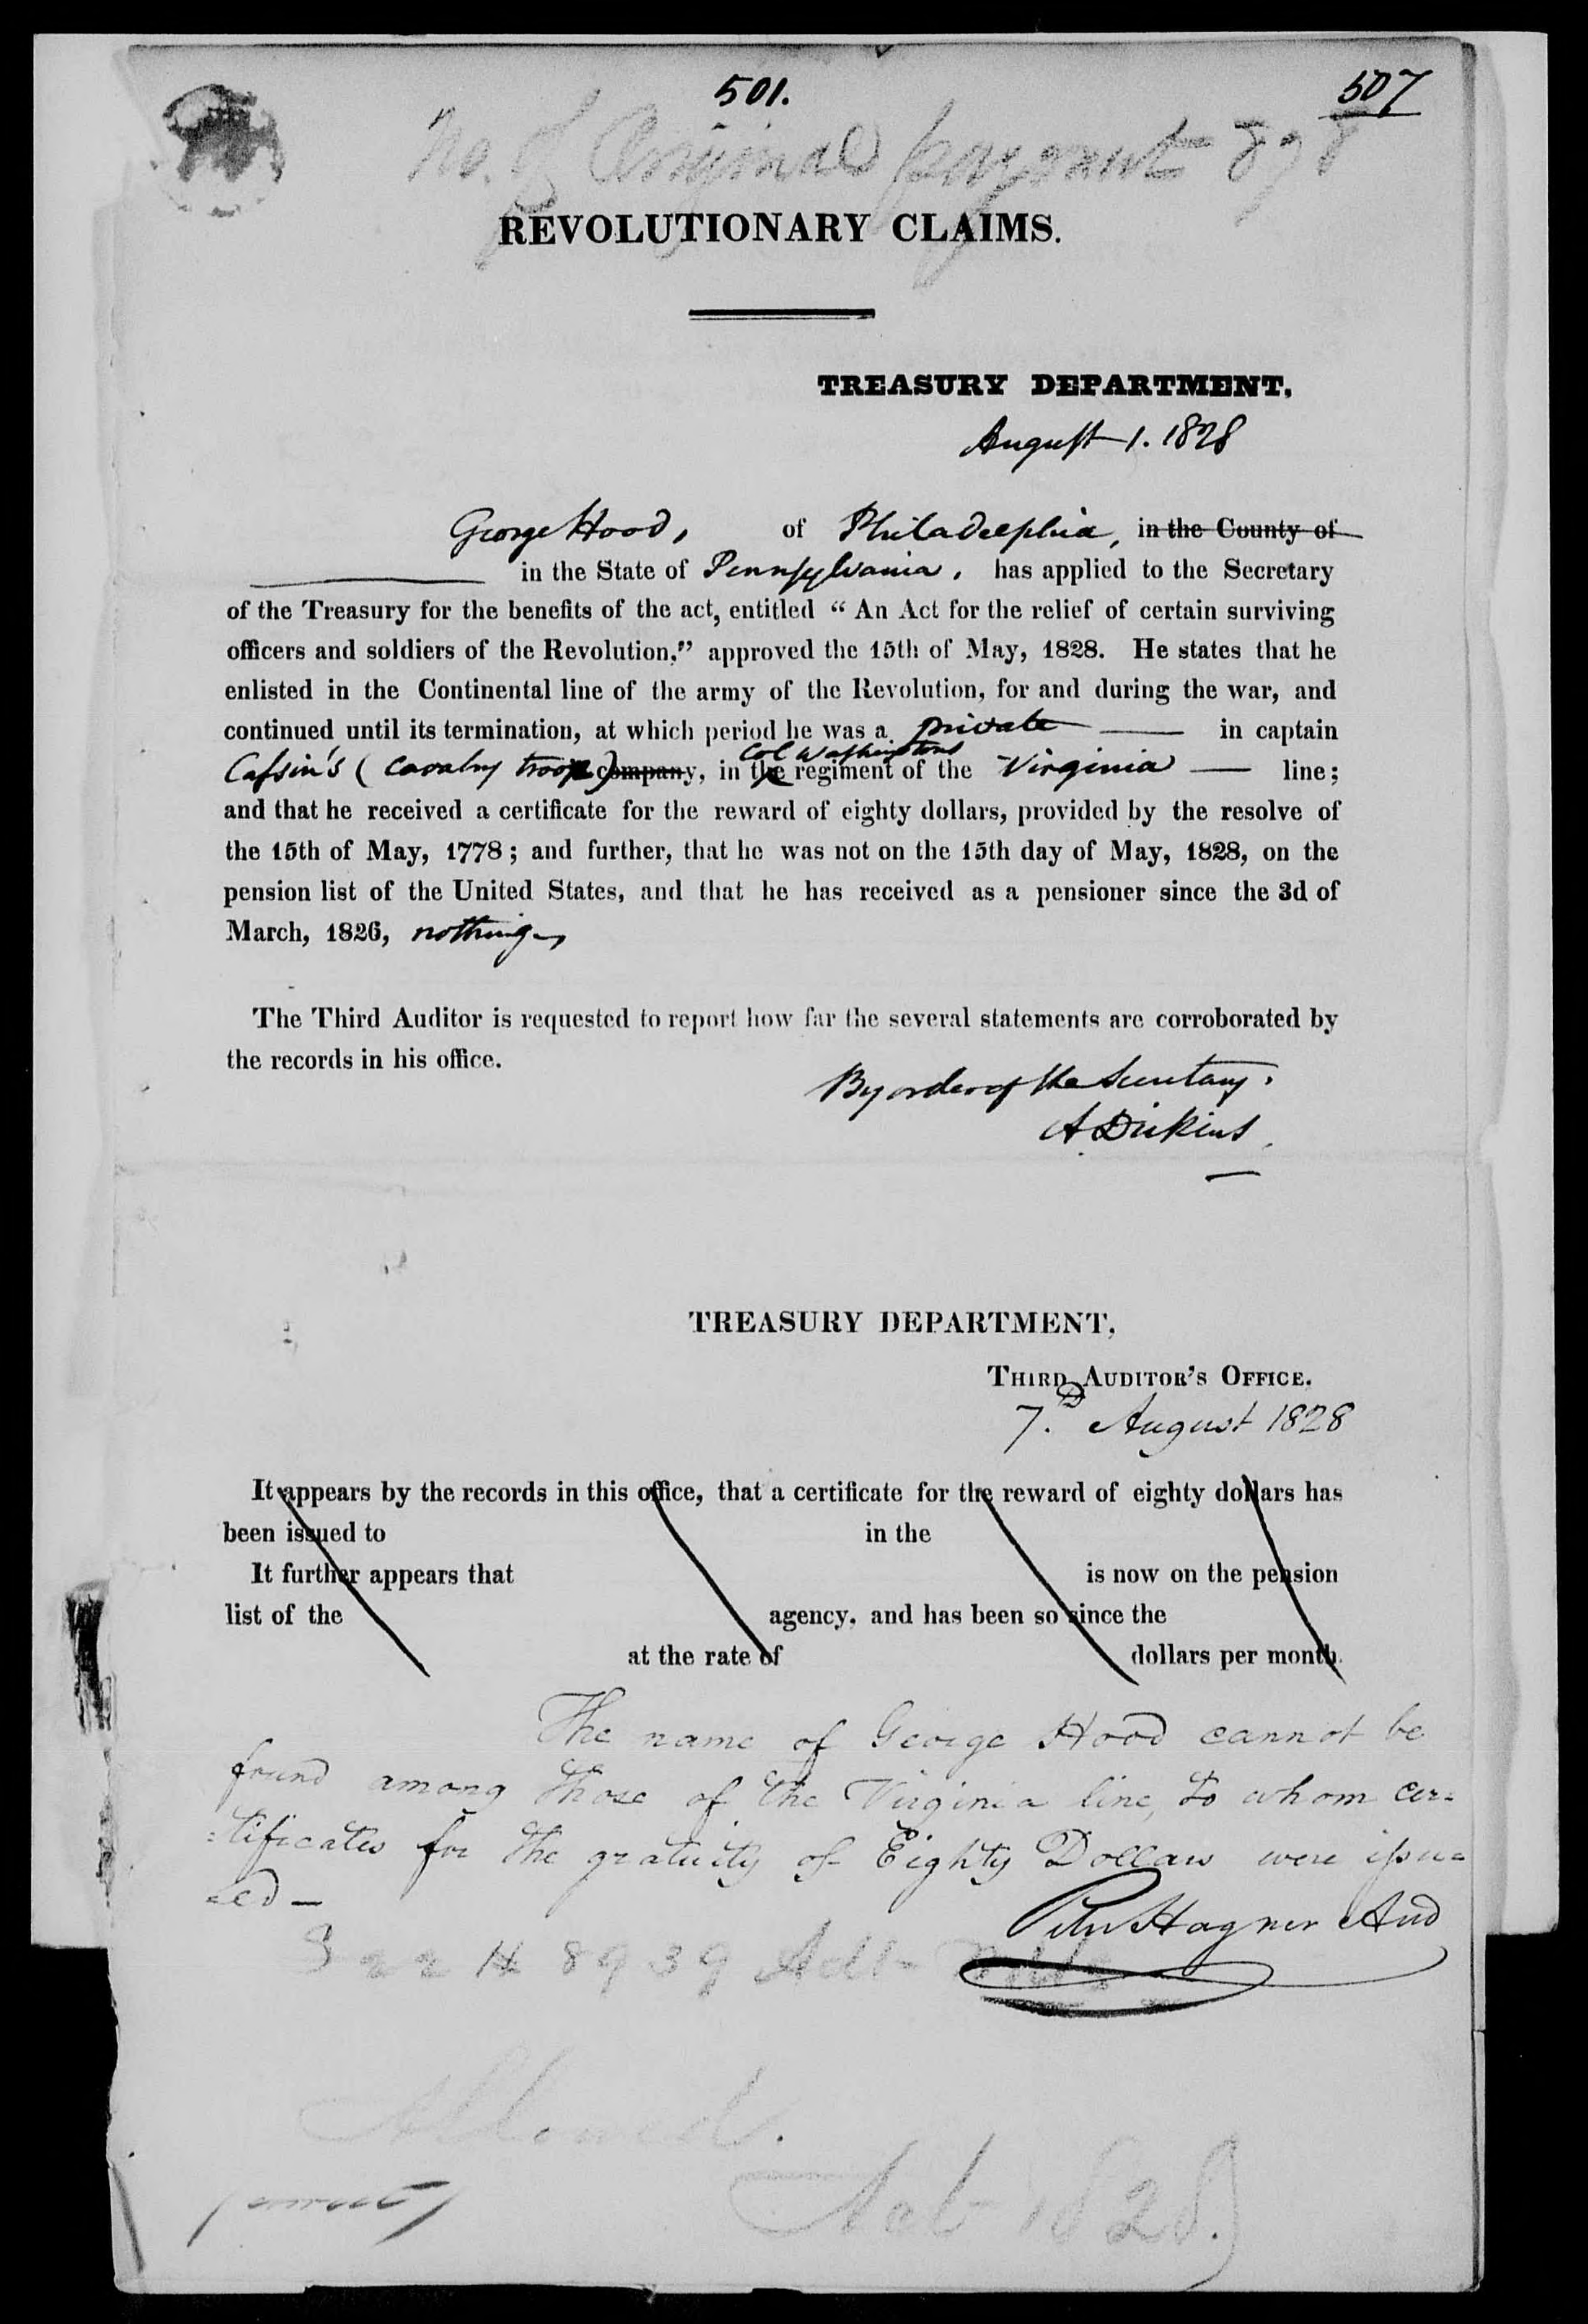Revolutionary Claims
Treasury Department
August 1, 1828

George Hood, of Philadelphia, in the State of Pennsylvania, has applied to the Secretary of the Treasury for the benefits of the act, entitled “An Act for the Relief of Certain Surviving Officers and Soldiers of the Revolution,” approved 15th May, 1828. He states that he enlisted in the Continental line of the Revolution, for and during the war, and continued until its termination, at which period he was a Private in [a] (Cavalry Troop), in Col. Washington’s Regiment of the Virginia line; and that he received a certificate for the reward of eighty dollars, provided by the resolve of the 15th of May, 1778; and further, that he was not on the 15th day of May, 1828, on the pension list of the United States, and that he has received as a pensioner since the 3rd of March, 1828, nothing.
The Third Auditor is requested to report how far the several statements are corroborated by the records in his office. 
By order of the Secretary,
A. Dickins 

Treasury Department
Third Auditor’s Office 
The name of George Hood cannot be found among those of the Virginia line, to whom certificate for the gratuity of eight dollars were issued. 
Peter Hagner, Auditor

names: A Dickins, George Hood, Washington, Peter Hagner, George Hood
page: 46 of 51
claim: widow's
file: W 8939, George Hood, Continental Va.